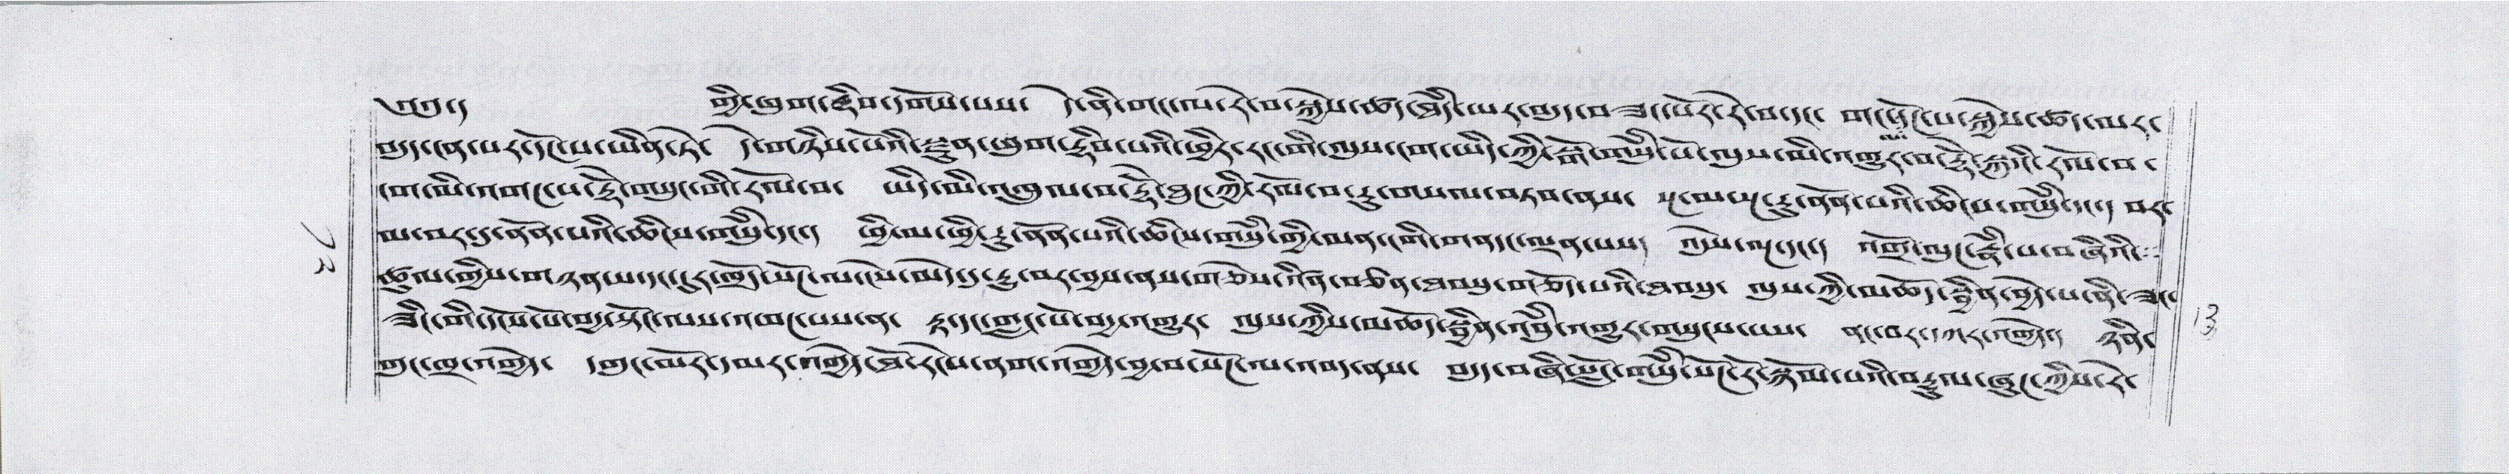གྱི་ཕུགས་རྡིབ་དགོས་པས། དེ་ནི་གང་ལ་རེ་བ་སྐྱེས་ཚད་ཐམས་ཅད་ཡར་བདུད་བཟང་པོར་རེ་བ་དང་། གང་ལ་དྭོགས་པ་སྐྱེས་ཚད་མར་
བདུད་ངན་པར་དྭོགས་པ་ཡིན་ཏེ། དེ་གཉིས་པོའི་རྫུན་ཕུག་རྡིབ་པའི་ཕྱིར་རང་གི་ལུས་ངག་ཉིད་ཀྱི་སྒོ་གསུམ་པོ་ལུས་མི་འགྱུར་བ་རྡོ་རྗེ་སྐུ་ཡི་རོལ་པ། 
ངག་མི་འགག་པ་རྡོ་རྗེ་གསུང་གི་རོལ་པ། ཡིད་མི་འཁྲུལ་པ་རྡོ་རྗེ་ཐུགས་ཀྱི་རོལ་པ་རུ་གསལ་བཏབ་ནས། སྔ་མ་སྔ་རུ་ནོན་པའི་ཆིངས་གསུམ་དང་། བར་
མ་བར་དུ་ནོན་པའི་ཆིངས་གསུམ་དང་། ཕྱི་མ་ཕྱི་རུ་ནོན་པའི་ཆིངས་གསུམ་གྱི་མན་ངག་གི་གནད་ལྡན་པས། འདུ་ཤེས་ལྔ་དང་འགྲོ་ལུགས་རྣམ་པ་བཞིའི་
ཚུལ་གྱིས་གཉན་ས་དང་དུར་ཁྲོད་སོགས་ལ་ངེས་མེད་དུ་རྒྱུ་བར་བྱས་ནས་གཅེས་འཛིན་བཙན་ཐབས་སུ་གཅོད་པའི་ཐབས་སུ་ལུས་ཀྱི་མཆོད་སྦྱིན་བྱེད་པ་ནི་ཟང་
ཟིང་གི་དངོས་པོ་བརྒྱ་སྟོང་ལས་འཕགས་པས་ན། རྟ་དང་གླང་པོ་བརྒྱ་འགྱུར། ལུས་ཀྱི་མཆོད་སྦྱིན་འབུམ་འགྱུར། གསུངས་པས། ནངས་པར་དཀར་འགྱེད། ཉིན་
གུང་ཁྲ་འགྱེད། དགུང་མོར་དམར་འགྱེད། ཐོ་རེངས་ནག་འགྱེད་བྱ་བ་སོགས་ལ་འབད་ནས། བདུད་བཞི་སློང་གསུམ་སོགས་རོ་སྙོམས་པའི་རྟུལ་ཞུགས་ཀྱི་རེ་